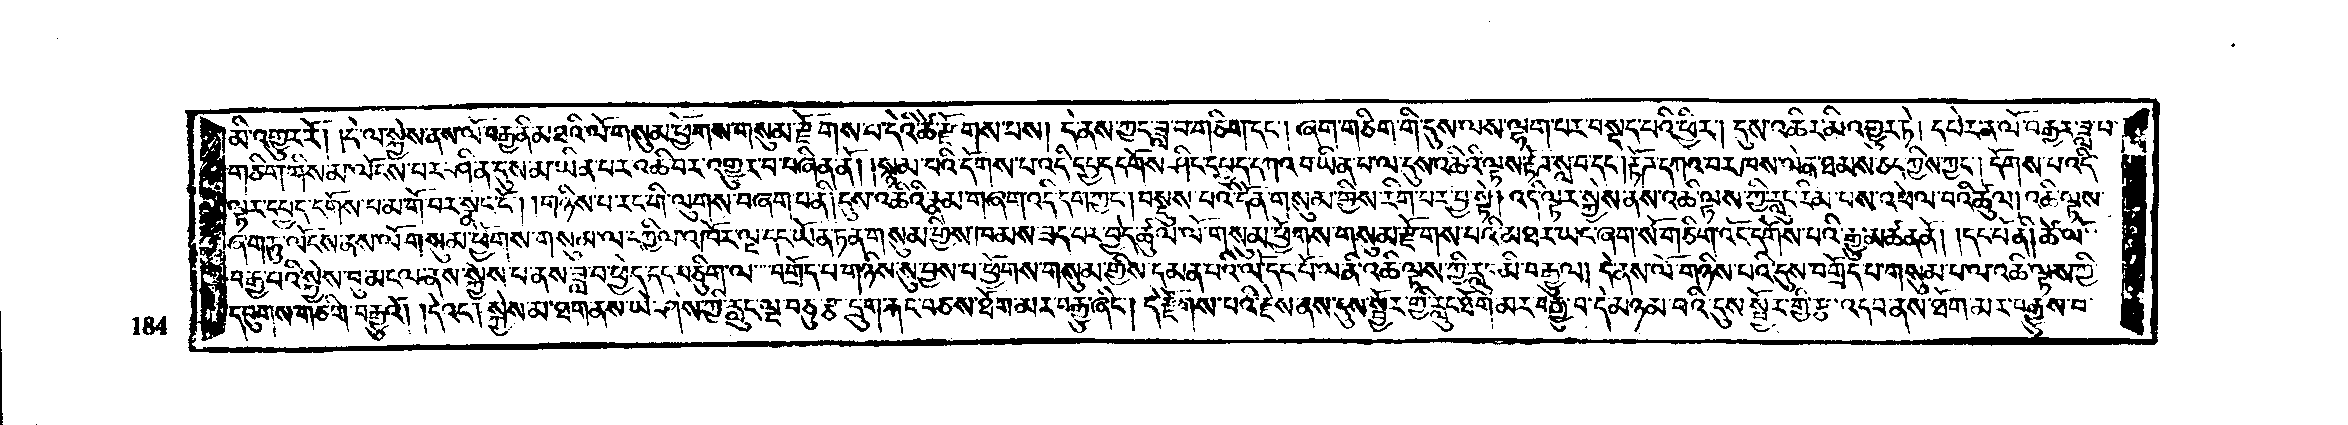མི་འགྱུར་རོ། །དེ་ལ་སྐྱེས་ནས་ལོ་བརྒྱ་ནི་མཐའི་ལོ་གསུམ་ཕྱོགས་གསུམ་རྫོགས་པ་དེའི་ཚེ་རྫོགས་པས། དེ་ནས་ཀྱང་ཟླ་བ་གཅིག་དང་། ཞག་གཅིག་གི་དུས་ལས་ལྷག་པར་བསྡད་པའི་ཕྱིར། དུས་འཆིར་མི་འགྱུར་ཏེ། དཔེར་ན་ལོ་བརྒྱད་ཟླ་བ་
གཅིག་གིས་མ་ལོངས་པར་ཤིན་དུས་མ་ཡིན་པར་འཆི་བར་འགྱུར་བ་བཞིན་ནོ། །སྙམ་པའི་དོགས་པ་འདི་དཔྱད་དགོས་ཤིང་དཔྱད་དཀའ་བ་ཡིན་པ་ལ་དུས་འཆིའི་ལྟས་རྟོགས་སླ་བ་དང་། རྟོགས་དཀའ་བར་ཁས་ལེན་ཐམས་ཅད་ཀྱིས་ཀྱང་། དོགས་པ་འདི་
ལྟར་དཔྱད་དགོས་པ་མ་གོ་བར་སྣང་ངོ། །གཉིས་པ་རང་གི་ལུགས་བཞག་པ་ནི། དུས་འཆིའི་རྣམ་གཞག་འདི་དག་ཀྱང་། བསྡུས་པའི་དོན་གསུམ་གྱིས་རིག་པར་བྱ་སྟེ། འདི་ལྟར་སྐྱེས་ནས་འཆི་ལྟས་ཀྱི་རླུང་རིམ་པས་འཕེལ་བའི་ཚུལ། འཆི་ལྟས་
ཞག་ཏུ་ལོངས་ནས་ལོ་གསུམ་ཕྱོགས་གསུམ་ལ་དཀྱིལ་འཁོར་ལྔ་དང་ཡོན་ཏན་གསུམ་གྱིས་ཁམས་ཟད་པར་བྱེད་ཚུལ་ལོ་གསུམ་ཕྱོགས་གསུམ་རྫོགས་པའི་མཐར་ཡང་ཞག་སོ་གཅིག་འོང་དགོས་པའི་རྒྱུ་མཚན་ནོ། །དང་པོ་ནི། ཚེ་ལོ་
བརྒྱ་བའི་སྐྱེས་བུ་མངལ་ནས་སྐྱེས་པ་ནས་ཟླ་བ་ཕྱེད་དང་བཅུ་གཅིག་ལ་བགྲོད་པ་གཉིས་སུ་བྱས་པ་ཕྱོགས་གསུམ་གྱིས་དམན་པའི་ལོ་དང་པོ་ལ་ནི་འཆི་ལྟས་ཀྱི་རླུང་མི་བརྒྱུ་ལ། དེ་ནས་ལོ་གཉིས་པའི་དུས་བགྲོད་པ་གསུམ་པ་ལ་འཆི་ལྟས་ཀྱི་
དབུགས་གཅིག་བརྒྱུའོ། །དེའང་། སྐྱེས་མ་ཐག་ནས་ཡེ་ཤེས་ཀྱི་རླུང་ལྔ་བཅུ་རྩ་དྲུག་རྐང་བཅས་ཐོག་མར་བརྒྱུ་ཞིང་། དེ་རྫོགས་པའི་རྗེས་ནས་དུས་སྦྱོར་གྱི་རླུང་ཐོག་མར་བརྒྱུ་བ་དེ་མཉམ་པའི་དུས་སྦྱོར་གྱི་རྩ་འདབ་ནས་ཐོག་མར་བརྒྱུས་པ་